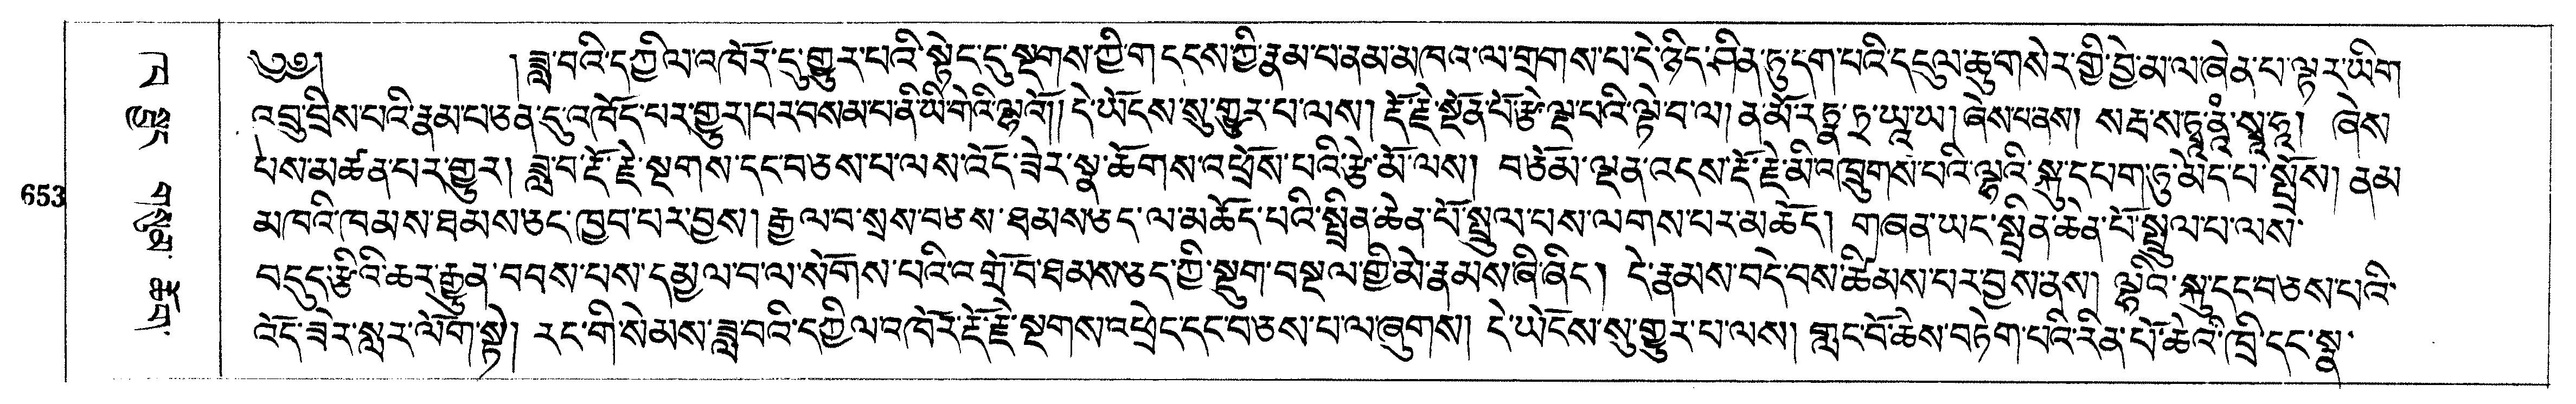༄༅། །ཟླ་བའི་དཀྱིལ་འཁོར་དུ་གྱུར་པའི་སྟེང་དུ་སྔགས་ཀྱི་གདངས་ཀྱི་རྣམ་པ་ནམ་མཁའ་ལ་གྲགས་པ་དེ་ཉིད་ཤིན་ཏུ་དག་པའི་དངུལ་ཆུ་གསེར་གྱི་བྱེ་མ་ལ་ཞེན་པ་ལྟར་ཡིག་
འབྲུ་བྲིས་པའི་རྣམ་པ་ཅན་དུ་འཁོད་པར་གྱུར། པར་བསམ་པ་ནི་ཡི་གེའི་ལྷའོ། །དེ་ཡོངས་སུ་གྱུར་པ་ལས། རྡོ་རྗེ་སྔོན་པོ་རྩེ་ལྔ་པའི་ལྟེ་བ་ལ། ན་མོ་རཏྣ་ཏྲ་ཡཱ་ཡ། ཞེས་པ་ནས། སརྦ་ས་ཏྭཱ་ནཱཾ་སྭཱ་ཧཱ། ཞེས་
པས་མཚན་པར་གྱུར། ཟླ་བ་རྡོ་རྗེ་སྔགས་དང་བཅས་པ་ལས་འོད་ཟེར་སྣ་ཆོགས་འཕྲོས་པའི་རྩེ་མོ་ལས། བཅོམ་ལྡན་འདས་རྡོ་རྗེ་མི་འཁྲུགས་པའི་ལྷའི་སྐུ་དཔག་ཏུ་མེད་པ་སྤྲོས། ནམ་
མཁའི་ཁམས་ཐམས་ཅད་ཁྱབ་པར་བྱས། རྒྱལ་བ་སྲས་བཅས་ཐམས་ཅད་ལ་མཆོད་པའི་སྤྲིན་ཆེན་པོ་སྤྲུལ་པས་ལགས་པར་མཆོད། གཞན་ཡང་སྤྲིན་ཆེན་པོ་སྤྲུལ་པ་ལས་
བདུད་རྩིའི་ཆར་རྒྱུན་བབས་པས་དམྱལ་བ་ལ་སོགས་པའི་འགྲོ་བ་ཐམས་ཅད་ཀྱི་སྡུག་བསྔལ་གྱི་མེ་རྣམས་ཞི་ཞིང་། དེ་རྣམས་བདེ་བས་ཚིམས་པར་བྱས་ནས། ལྷའི་སྐུ་དང་བཅས་པའི་
འོད་ཟེར་སླར་ལོག་སྟེ། རང་གི་སེམས་ཟླ་བའི་དཀྱིལ་འཁོར་རྡོ་རྗེ་སྔགས་འཕྲེང་དང་བཅས་པ་ལ་ཞུགས། དེ་ཡོངས་སུ་གྱུར་པ་ལས། གླང་བོ་ཆེས་བཏེག་པའི་རིན་པོ་ཆེའི་ཁྲི་དང་སྣ་